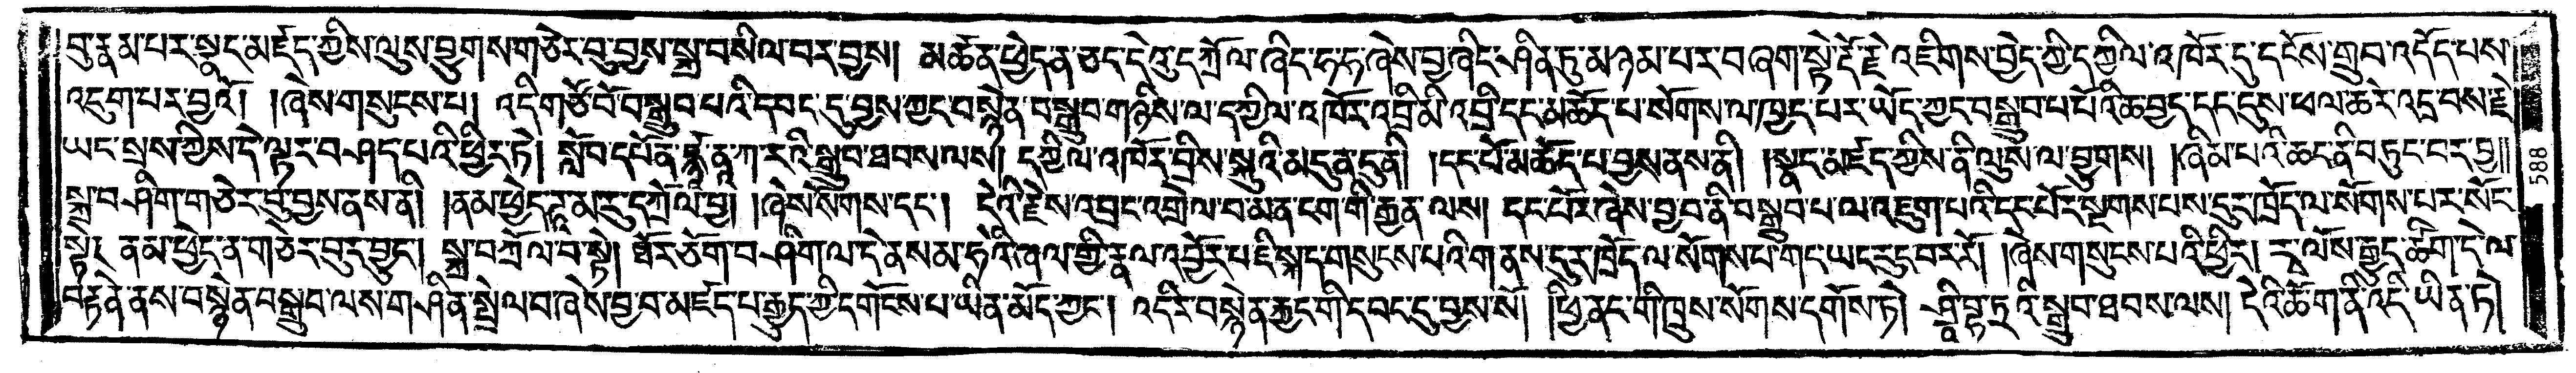བུ་རྣམ་པར་སྣང་མཛད་ཀྱིས་ལུས་བྱུགས་གཅེར་བུ་བྱས་སྐྲ་བསིལ་བར་བྱས། མཚན་ཕྱེད་ན་ཅང་དེའུ་དཀྲོལ་ཞིང་ཧ་ཧ་ཞེས་བྱ་ཞིང་ཤིན་ཏུ་མཉམ་པར་བཞག་སྟེ་རྡོ་རྗེ་འཇིགས་བྱེད་ཀྱི་དཀྱིལ་འཁོར་དུ་དངོས་གྲུབ་འདོད་པས་
འདུག་པར་བྱའོ། །ཞེས་གསུངས་པ། འདི་གཙོ་བོ་བསྒྲུབ་པའི་དབང་དུ་བྱས་ཀྱང་བསྙེན་བསྒྲུབ་གཉིས་ལ་དཀྱིལ་འཁོར་འབྲི་མི་འབྲི་དང་མཆོད་པ་སོགས་ལ་ཁྱད་པར་ཡོད་ཀྱང་བསྒྲུབ་པ་པོའི་ཆ་བྱད་དང་དུས་ཕལ་ཆེར་འདྲ་བས་རྗེ་
ཡབ་སྲས་ཀྱིས་དེ་ལྟར་བཤད་པའི་ཕྱིར་ཏེ། སློབ་དཔོན་ཛྙཱ་ནཱ་ཀ་རའི་སྒྲུབ་ཐབས་ལས། དཀྱིལ་འཁོར་བྲིས་སྐུའི་མདུན་དུ་ནི། །དང་པོ་མཆོད་པ་བྱས་ནས་ནི། །སྣང་མཛད་ཀྱིས་ནི་ལུས་ལ་བྱུགས། །ཞིམ་པའི་ཆང་ནི་བཏུང་བར་བྱ།།
སྐྲ་བཤིག་གཅེར་བུ་བྱས་ནས་ནི། །ནམ་ཕྱེད་ཌཱ་མ་རུ་དཀྲོལ་བྱ། །ཞེས་སོགས་དང་། དེའི་རྗེས་འབྲང་འགྲེལ་བ་མན་ངག་གི་རྒྱན་ལས། དང་པོར་ཞེས་བྱ་བ་ནི་བསྒྲུབ་པ་ལ་འཇུག་པའི་དང་པོར་སྔགས་པས་དུར་ཁྲོད་ལ་སོགས་པར་སོང་
སྟེ༑ ནམ་ཕྱེད་ན་གཅེར་བུར་བྱུང་། སྐྲ་བཀྲོལ་བ་སྟེ། ཐོར་ཅོག་བཤིག་ལ་དེ་ནས་མ་ཧེའི་ཞལ་གྱི་རྣལ་འབྱོར་པ་ཇི་སྐད་གསུངས་པའི་གནས་དུར་ཁྲོད་ལ་སོགས་པ་གང་ཡང་རུང་བར་རོ། །ཞེས་གསུངས་པའི་ཕྱིར། རྭ་ལོས་རྒྱུད་ཚིག་དེ་ལ་
བརྟེན་ནས་བསྙེན་བསྒྲུབ་ལས་གཤིན་སྤྲེལ་བ་ཞེས་བྱ་བ་མཛད་པ་རྒྱུད་ཀྱི་དགོངས་པ་ཡིན་མོད་ཀྱང་། འདིར་བསྙེན་རྐྱང་གི་དབང་དུ་བྱས་སོ། །ཕྱི་ནང་གི་ཁྲུས་སོགས་དགོས་ཏེ། ཤྲཱི་བྷ་ཏྲའི་སྒྲུབ་ཐབས་ལས། དེའི་ཆོ་ག་ནི་འདི་ཡིན་ཏེ།